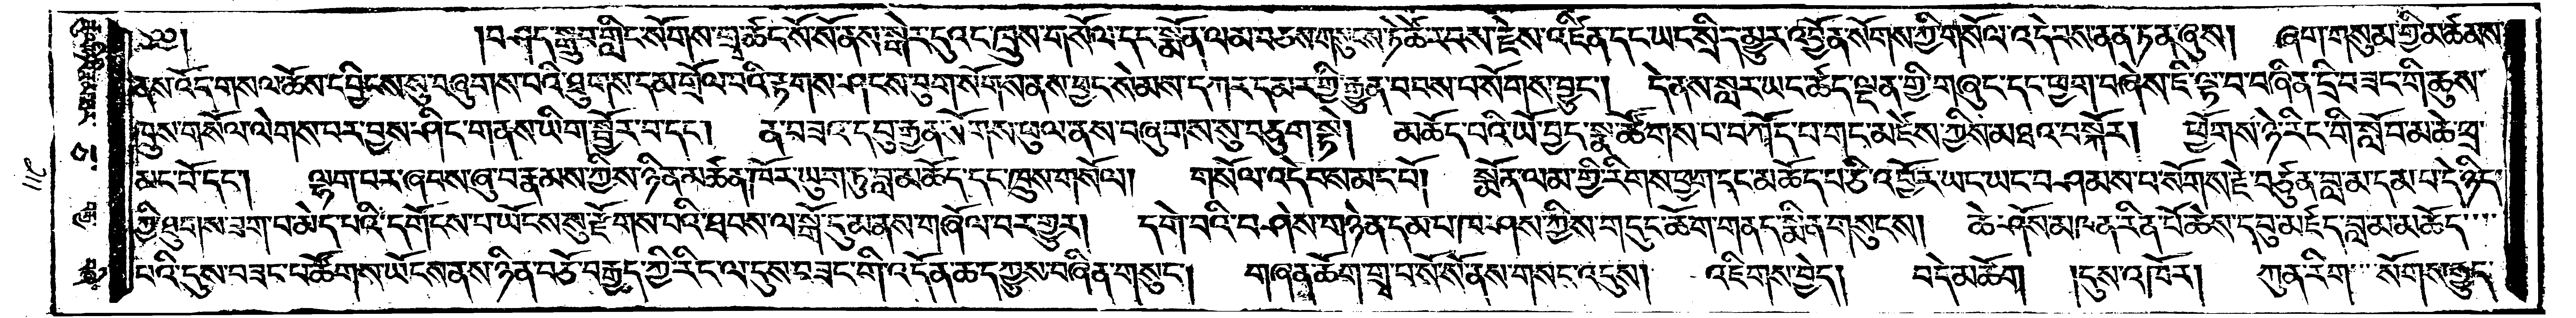༄༅། །བཤད་སྒྲུབ་གླིང་སོགས་གྲྭ་ཚང་སོ་སོ་ནས་སྒེར་དུའང་ཁྲུས་གསོལ་དང་སྨོན་ལམ་བཅས་གསུངས་ཏེ་ཚེ་རབས་རྗེས་འཛིན་དང་ཡང་སྲིད་མྱུར་འབྱོན་སོགས་ཀྱི་གསོལ་འདེབས་ནན་ཏན་ཞུས། ཞག་གསུམ་གྱི་མཚམས་
ནས་འོད་གསལ་ཆོས་དབྱིངས་སུ་བཞུགས་པའི་ཐུགས་དམ་གྲོལ་བའི་རྟགས་ཤངས་བུག་སོགས་ནས་བྱང་སེམས་དཀར་དམར་གྱི་རྒྱུན་བབས་པ་སོགས་བྱུང་། དེ་ནས་སླར་ཡང་ཚད་ལྡན་གྱི་གཞུང་དང་ཕྱག་བཞེས་ཇི་ལྟ་བ་བཞིན་དྲི་བཟང་གི་ཆུས་
ཁྲུས་གསོལ་ལེགས་པར་བྱས་ཤིང་གནས་ཡིག་སྦྱོར་པ་དང་། ན་བཟའ་དབུ་རྒྱན་སོགས་ཕུལ་ནས་བཞུགས་སུ་བཅུག་སྟེ། མཆོད་པའི་ཡོ་བྱད་སྣ་ཚོགས་པ་བཀོད་པ་གང་མཛེས་ཀྱིས་མཐའ་བསྐོར། ཕྱོགས་ཉེ་རིང་གི་སློབ་མཆེ་ཕྲ་
མང་པོ་དང་། ལྷག་པར་ཞབས་ཞུ་བ་རྣམས་ཀྱིས་ཉིན་མཚན་ཁོར་ཡུག་ཏུ་བླ་མཆོད་དང་ཁྲུས་གསོལ། གསོལ་འདེབས་མང་པོ། སྨོན་ལམ་གྱི་རིགས་ཕྱག་དང་མཆོད་པ་ཅི་འབྱོར་ཡང་ཡང་བཤམས་པ་སོགས་རྗེ་བཙུན་བླ་མ་དམ་པ་དེ་ཉིད་
ཀྱི་ཐུགས་ཟག་པ་མེད་པའི་དགོངས་པ་ཡོངས་སུ་རྫོགས་པའི་ཐབས་ལ་སྒོ་དུ་མ་ནས་གཞོལ་བར་གྱུར། དགེ་བའི་བཤེས་གཉེན་དམ་པ་ཁ་ཤས་ཀྱིས་གདུང་ཆོག་གནད་སྨིན་གསུངས། ཆེ་ཤོས་མཁན་རིན་པོ་ཆེས་དབུ་མཛད་བླ་མ་མཆོད་
པའི་དུས་བཟང་བ་ཚོགས་ཡོངས་ནས་ཉིན་བཅོ་བརྒྱད་ཀྱི་རིང་ལ་དུས་བཟང་གི་འདོན་ཆད་ཀྱུས་བཞིན་གསུང་། གཞན་ཆོག་གྲྭ་བ་སོ་སོ་ནས་གསང་འདུས། འཇིགས་བྱེད། བདེ་མཆོག །དུས་འཁོར། ཀུན་རིག་སོགས་རྒྱུད་